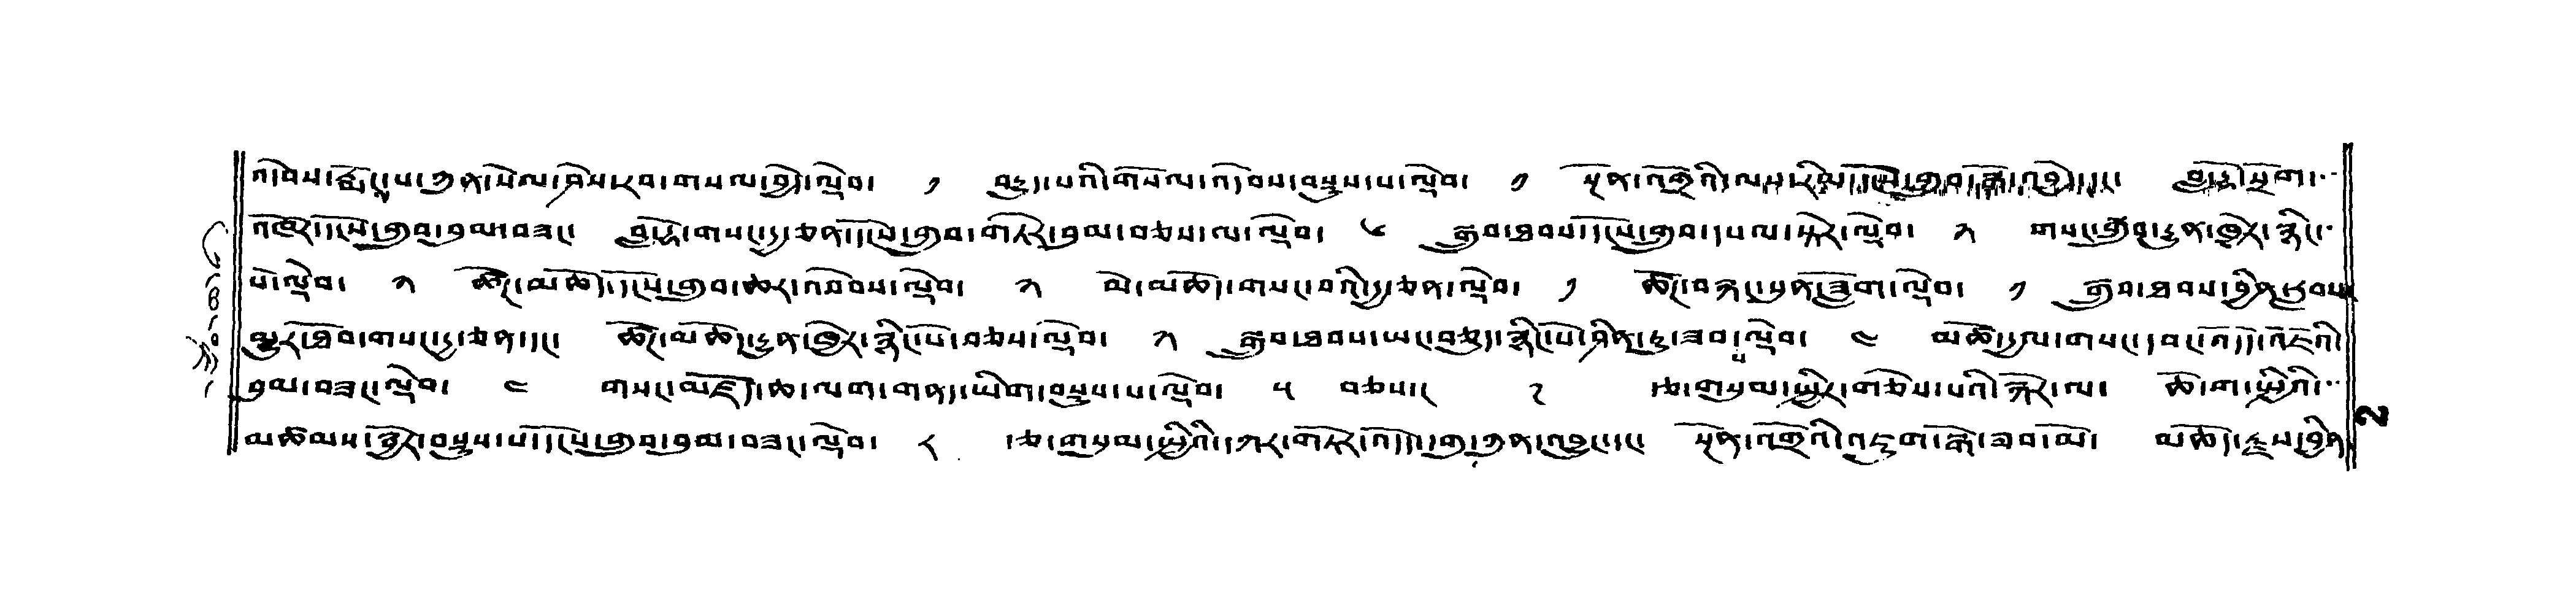འདེབས་རྨོངས་པ་ཀུན་སེལ་ཤེས་རབ་གསལ་བྱེད་ལྡེབ། བརྒྱུད་པའི་གསོལ་འདེབས་བསྡུས་པ་ལྡེབ། སྔོན་འགྲོའི་ལས་རིམ་དངོས་གྲུབ་སྒོ་འབྱེད་དང་། བླ་རྡོ་སྲོག་
འཁོར་དངོས་གྲུབ་བུམ་བཟང་། བླ་རྡོ་གསང་རྒྱ་ཅན་དངོས་གྲུབ་གཏེར་བུམ་བཅས་ལ་ལྡེབ། སྒྲུབ་ཐབས་དངོས་གྲུབ་དཔལ་སྟེར་ལྡེབ། གསང་སྒྲུབ་རྒྱུན་ཁྱེར་སྙིང་
པོ་ལྡེབ། ཚོགས་མཆོད་དངོས་གྲུབ་ཆར་འབེབས་ལྡེབ། མེ་མཆོད་གསང་བའི་རྒྱ་ཅན་ལྡེབ། ཚོགས་བསྐང་སུན་ཟློག་ལྡེབ། སྒྲུབ་ཐབས་བྱིན་རླབས་
མྱུར་འཐོབ་གསང་རྒྱ་ཅན་དང་། ཚོགས་མཆོད་རྒྱུན་ཁྱེར་སྙིང་པོ་བཅས་ལྡེབ། སྒྲུབ་ཐབས་ཡང་བཅུད་སྙིང་པོ་ཤིན་ཏུ་ཟབ་པ་ལྡེབ། མཚོ་རྒྱལ་གསང་དབང་འདོད་འཇོའི་
བུམ་བཟང་ལྡེབ། གསང་མཛོད་ཆ་ལག་གནད་ཡིག་བསྡུས་པ་ལྡེབ། བཅས། ༈ རྩ་གསུམ་སྤྱིར་གཅེས་པའི་སྐོར་ལ། ཆོ་ག་སྤྱིའི་
མཚམས་སྦྱོར་བསྡུས་པ་དངོས་གྲུབ་བུམ་བཟང་ལྡེབ། རྩ་གསུམ་སྤྱིའི་དཀར་གཏོར་འདོད་དགུ་ཀུན་འབྱུང་དང་། སྔོན་འགྲོའི་འཇུག་སྒོ་ཟབ་མོ།མཆོད་རྫས་བྱིན་